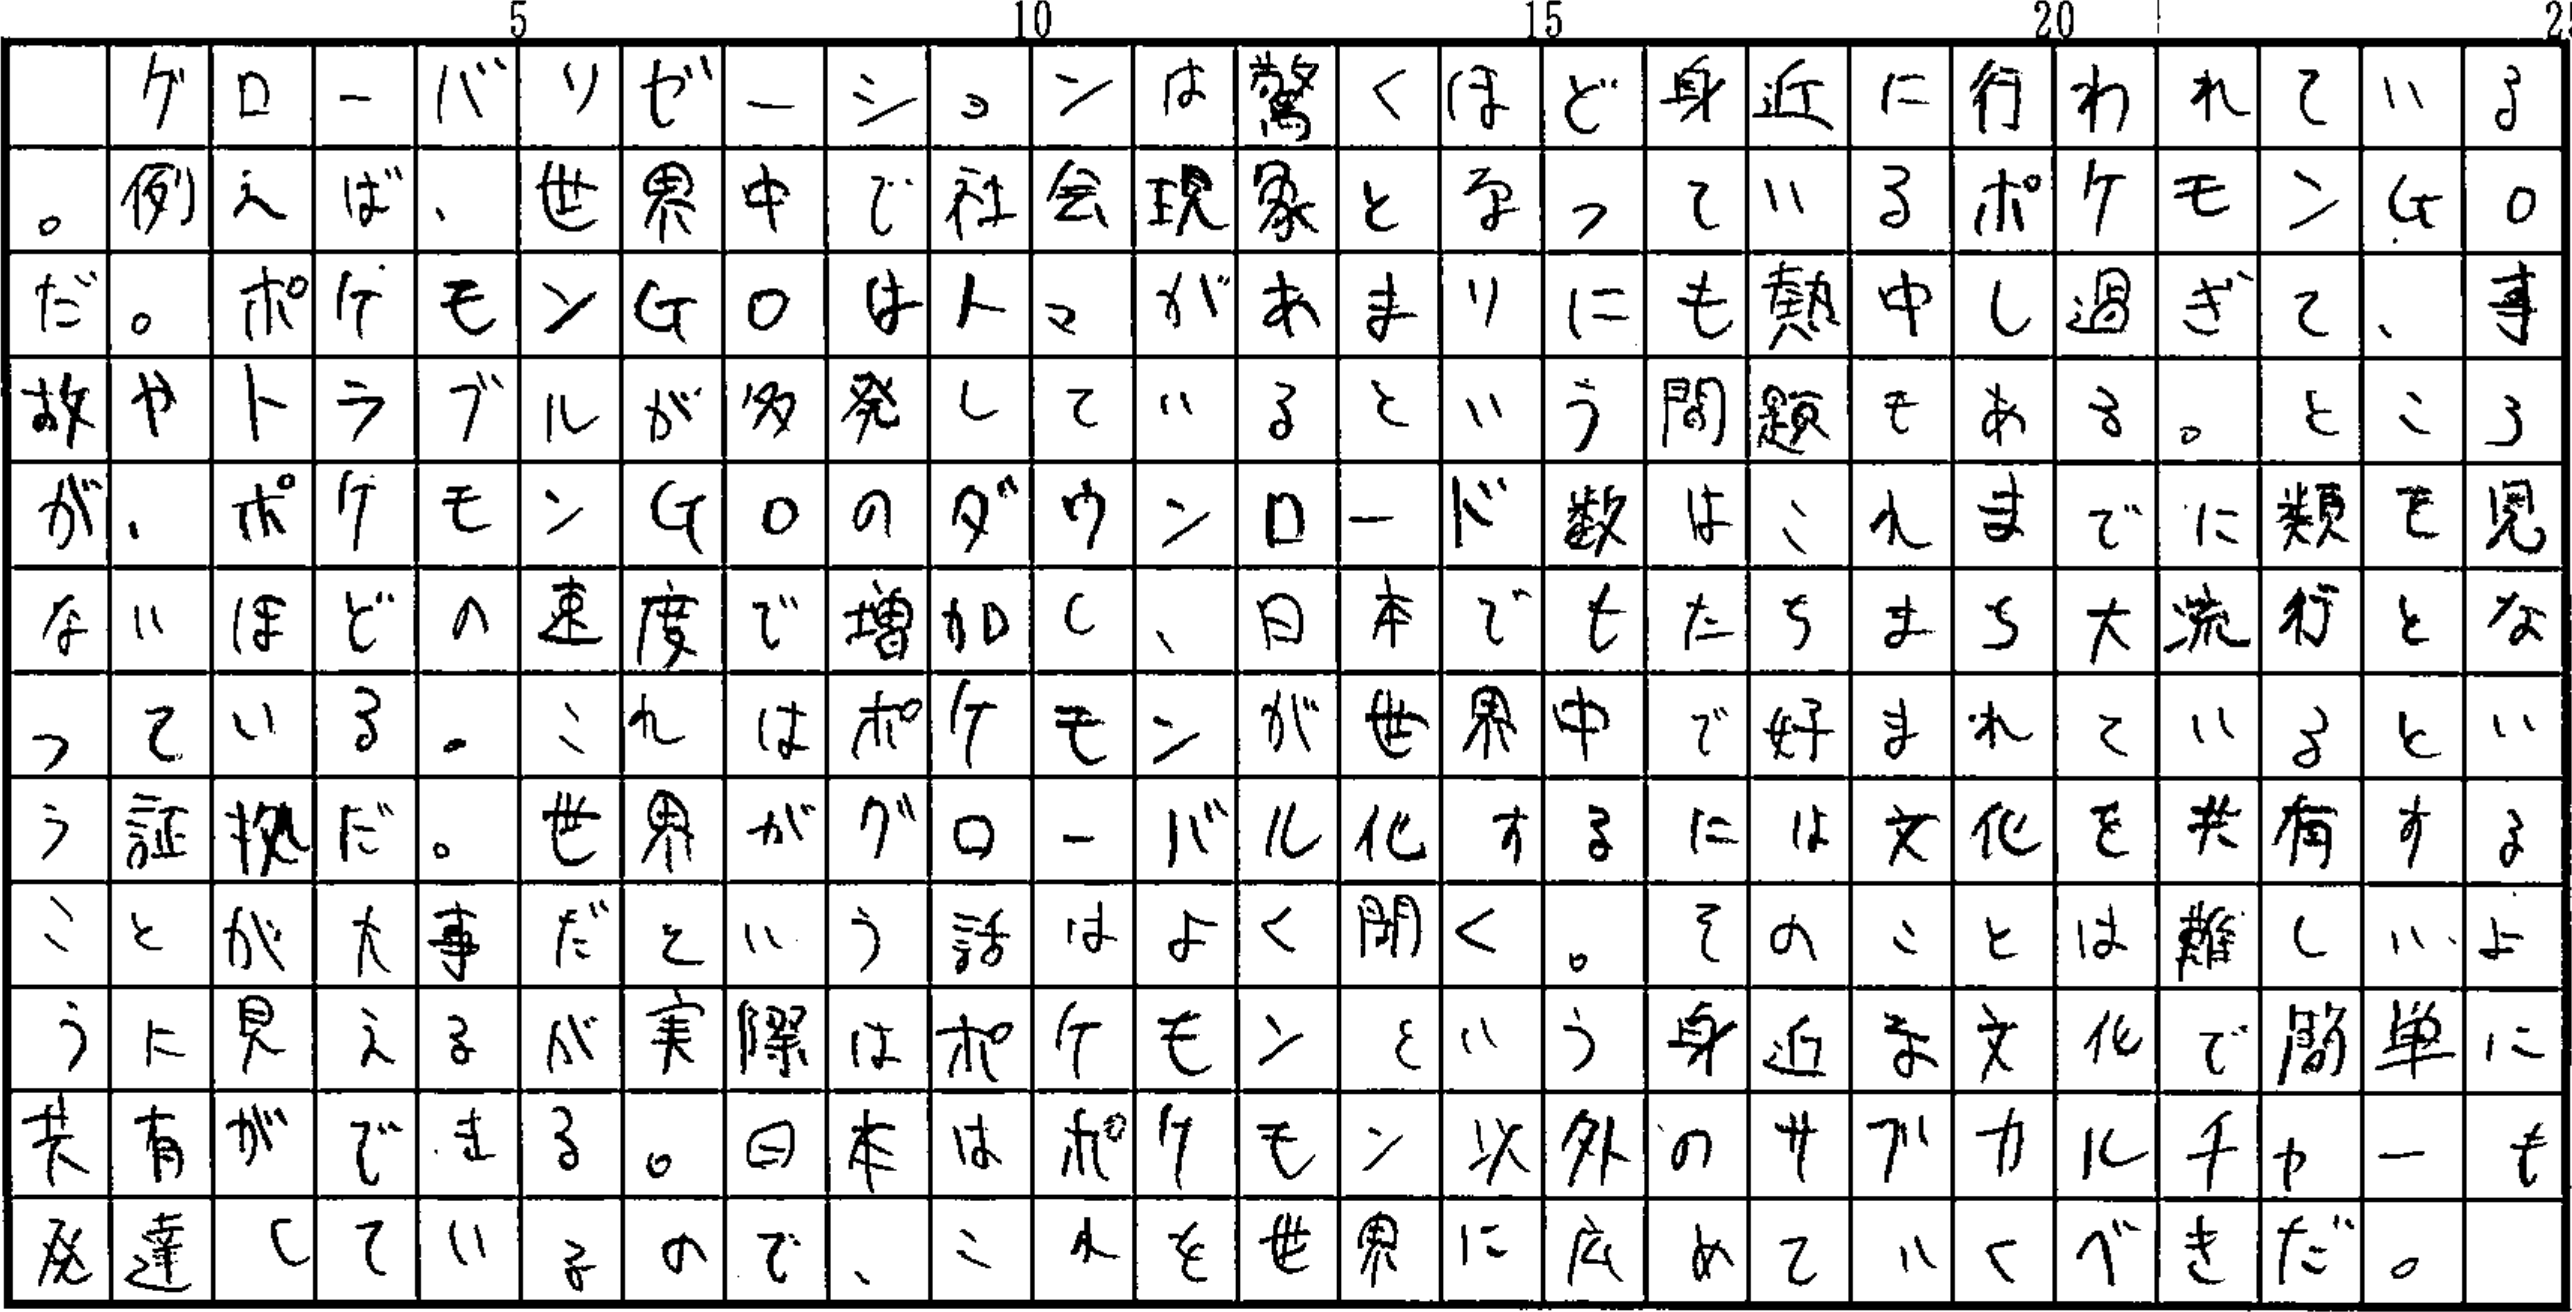　グローバリゼーションは驚くほど身近に行われている。例えば、世界中で社会現象となっているポケモンＧＯだ。ポケモンＧＯは人々があまりにも熱中し過ぎて、事故やトラブルが多発しているという問題もある。ところが、ポケモンＧＯのダウンロード数はこれまでに類を見ないほどの速度で増加し、日本でもたちまち大流行となっている。これはポケモンが世界中で好まれているという証拠だ。世界がグローバル化するには文化を共有することが大事だという話はよく聞く。そのことは難しいように見えるが実際はポケモンという身近な文化で簡単に共有ができる。日本はポケモン以外のサブカルチャーも発達しているので、これを世界に広めていくべきだ。
